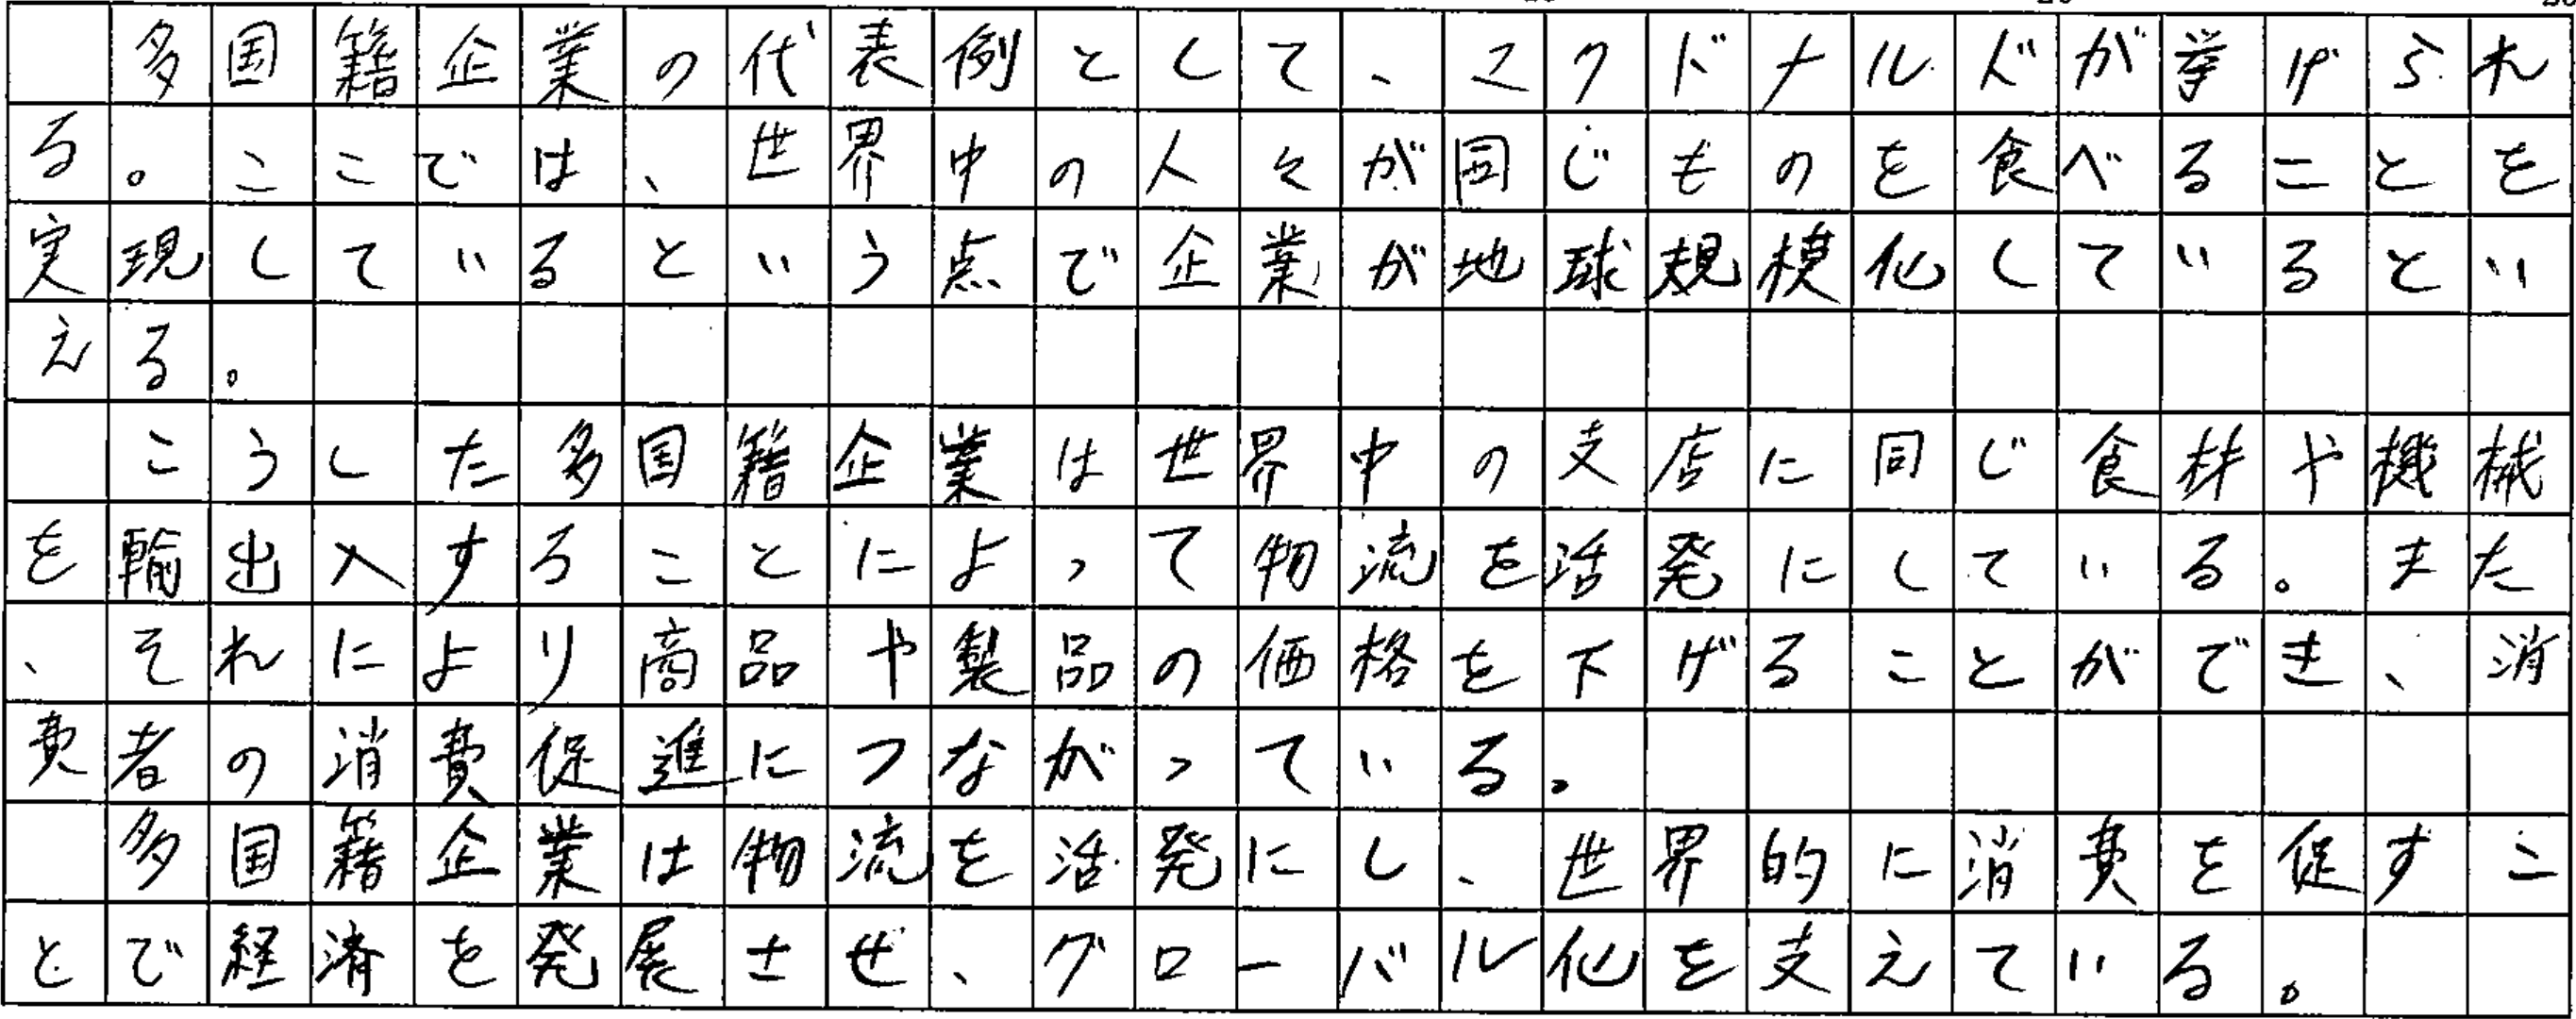　多国籍企業の代表例として、マクドナルドが挙げられる。ここでは、世界中の人々が同じものを食べることを実現しているという点で企業が地球規模化しているといえる。
　こうした多国籍企業は世界中の支店に同じ食材や機械を輸出入することによって物流を活発にしている。また、それにより商品や製品の価格を下げることができ、消費者の消費促進につながっている。
　多国籍企業は物流を活発にし、世界的に消費を促すことで経済を発展させ、グローバル化を支えている。
